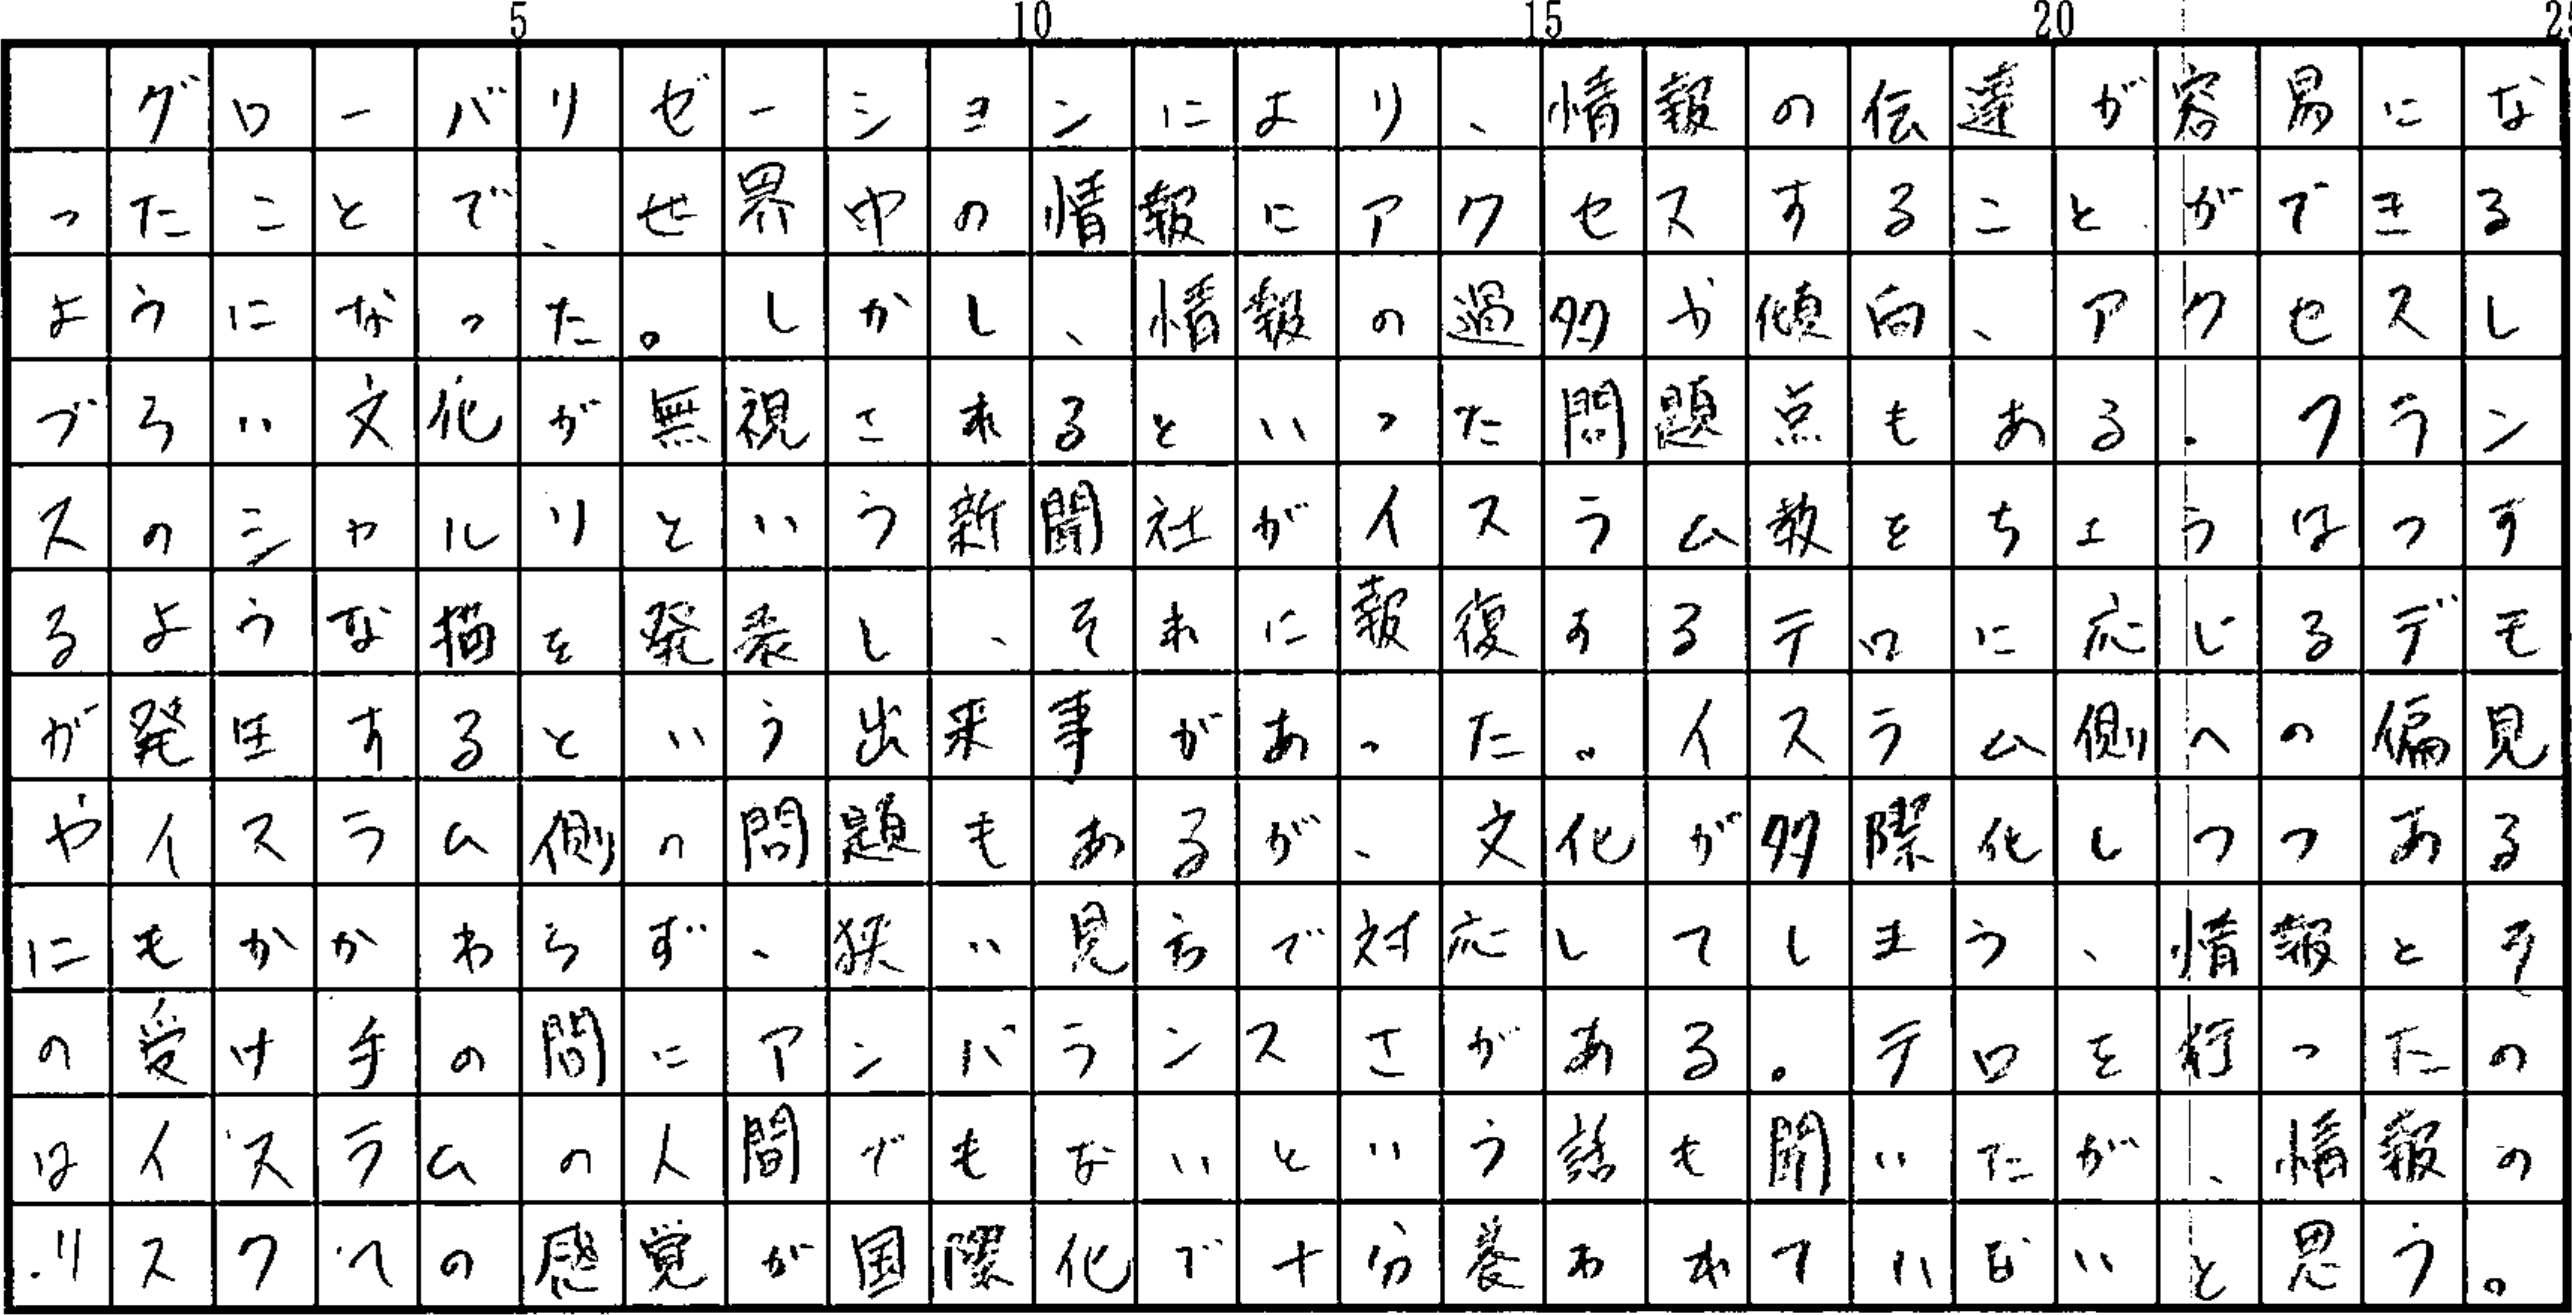　グローバリゼーションにより、情報の伝達が容易になったことで、世界中の情報にアクセスすることができるようになった。しかし、情報の過多や傾向、アクセスしづらい文化が無視されるといった問題点もある。フランスのシャルリという新聞社がイスラム教をちょうはつするような描を発表し、それに報復するテロに応じるデモが発生するという出来事があった。イスラム側への偏見やイスラム側の問題もあるが、文化が多際化しつつあるにもかかわらず、狭い見方で対応してしまう、情報とその受け手の間にアンバランスさがある。テロを行ったのはイスラムの人間でもないという話も聞いたが、情報のリスクへの感覚が国際化で十分養われていないと思う。
